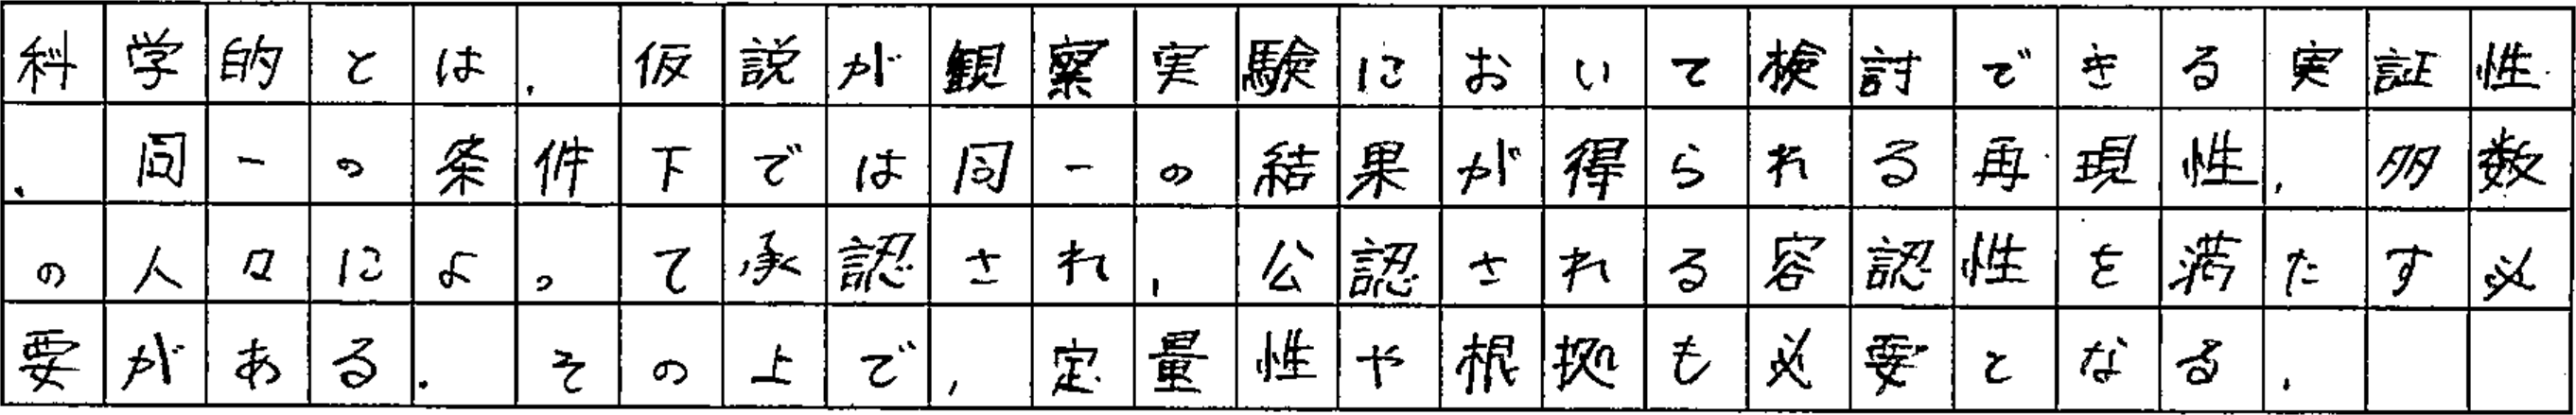科学的とは、仮説が観察実験において検討できる実証性、同一の条件下では同一の結果が得られる再現性、多数の人々によって承認され、公認される容認性を満たす必要がある。その上で、定量性や根拠も必要となる。
